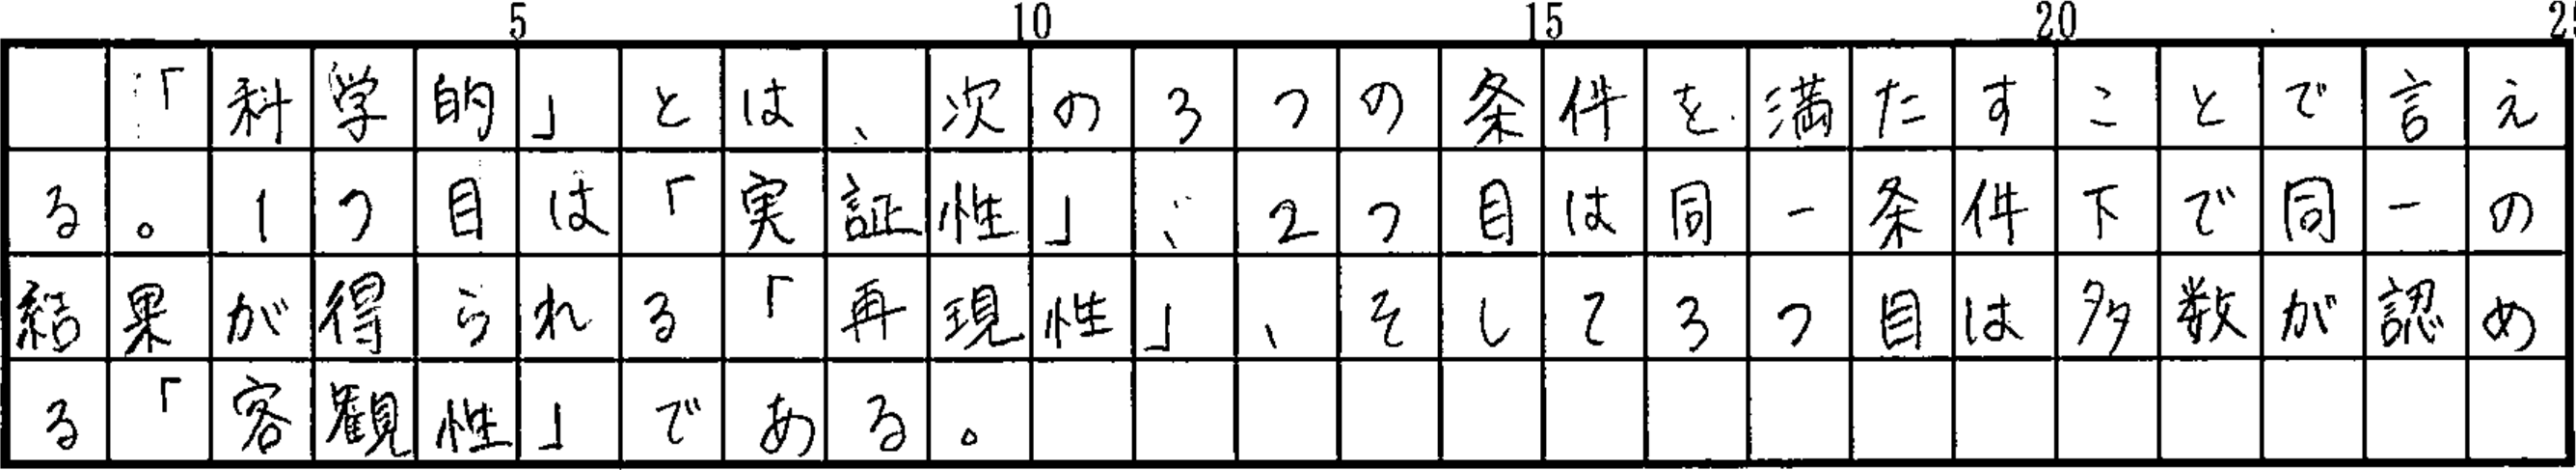　「科学的」とは、次の３つの条件を満たすことで言える。１つ目は「実証性」、２つ目は同一条件下で同一の結果が得られる「再現性」、そして３つ目は多数が認める「客観性」である。
